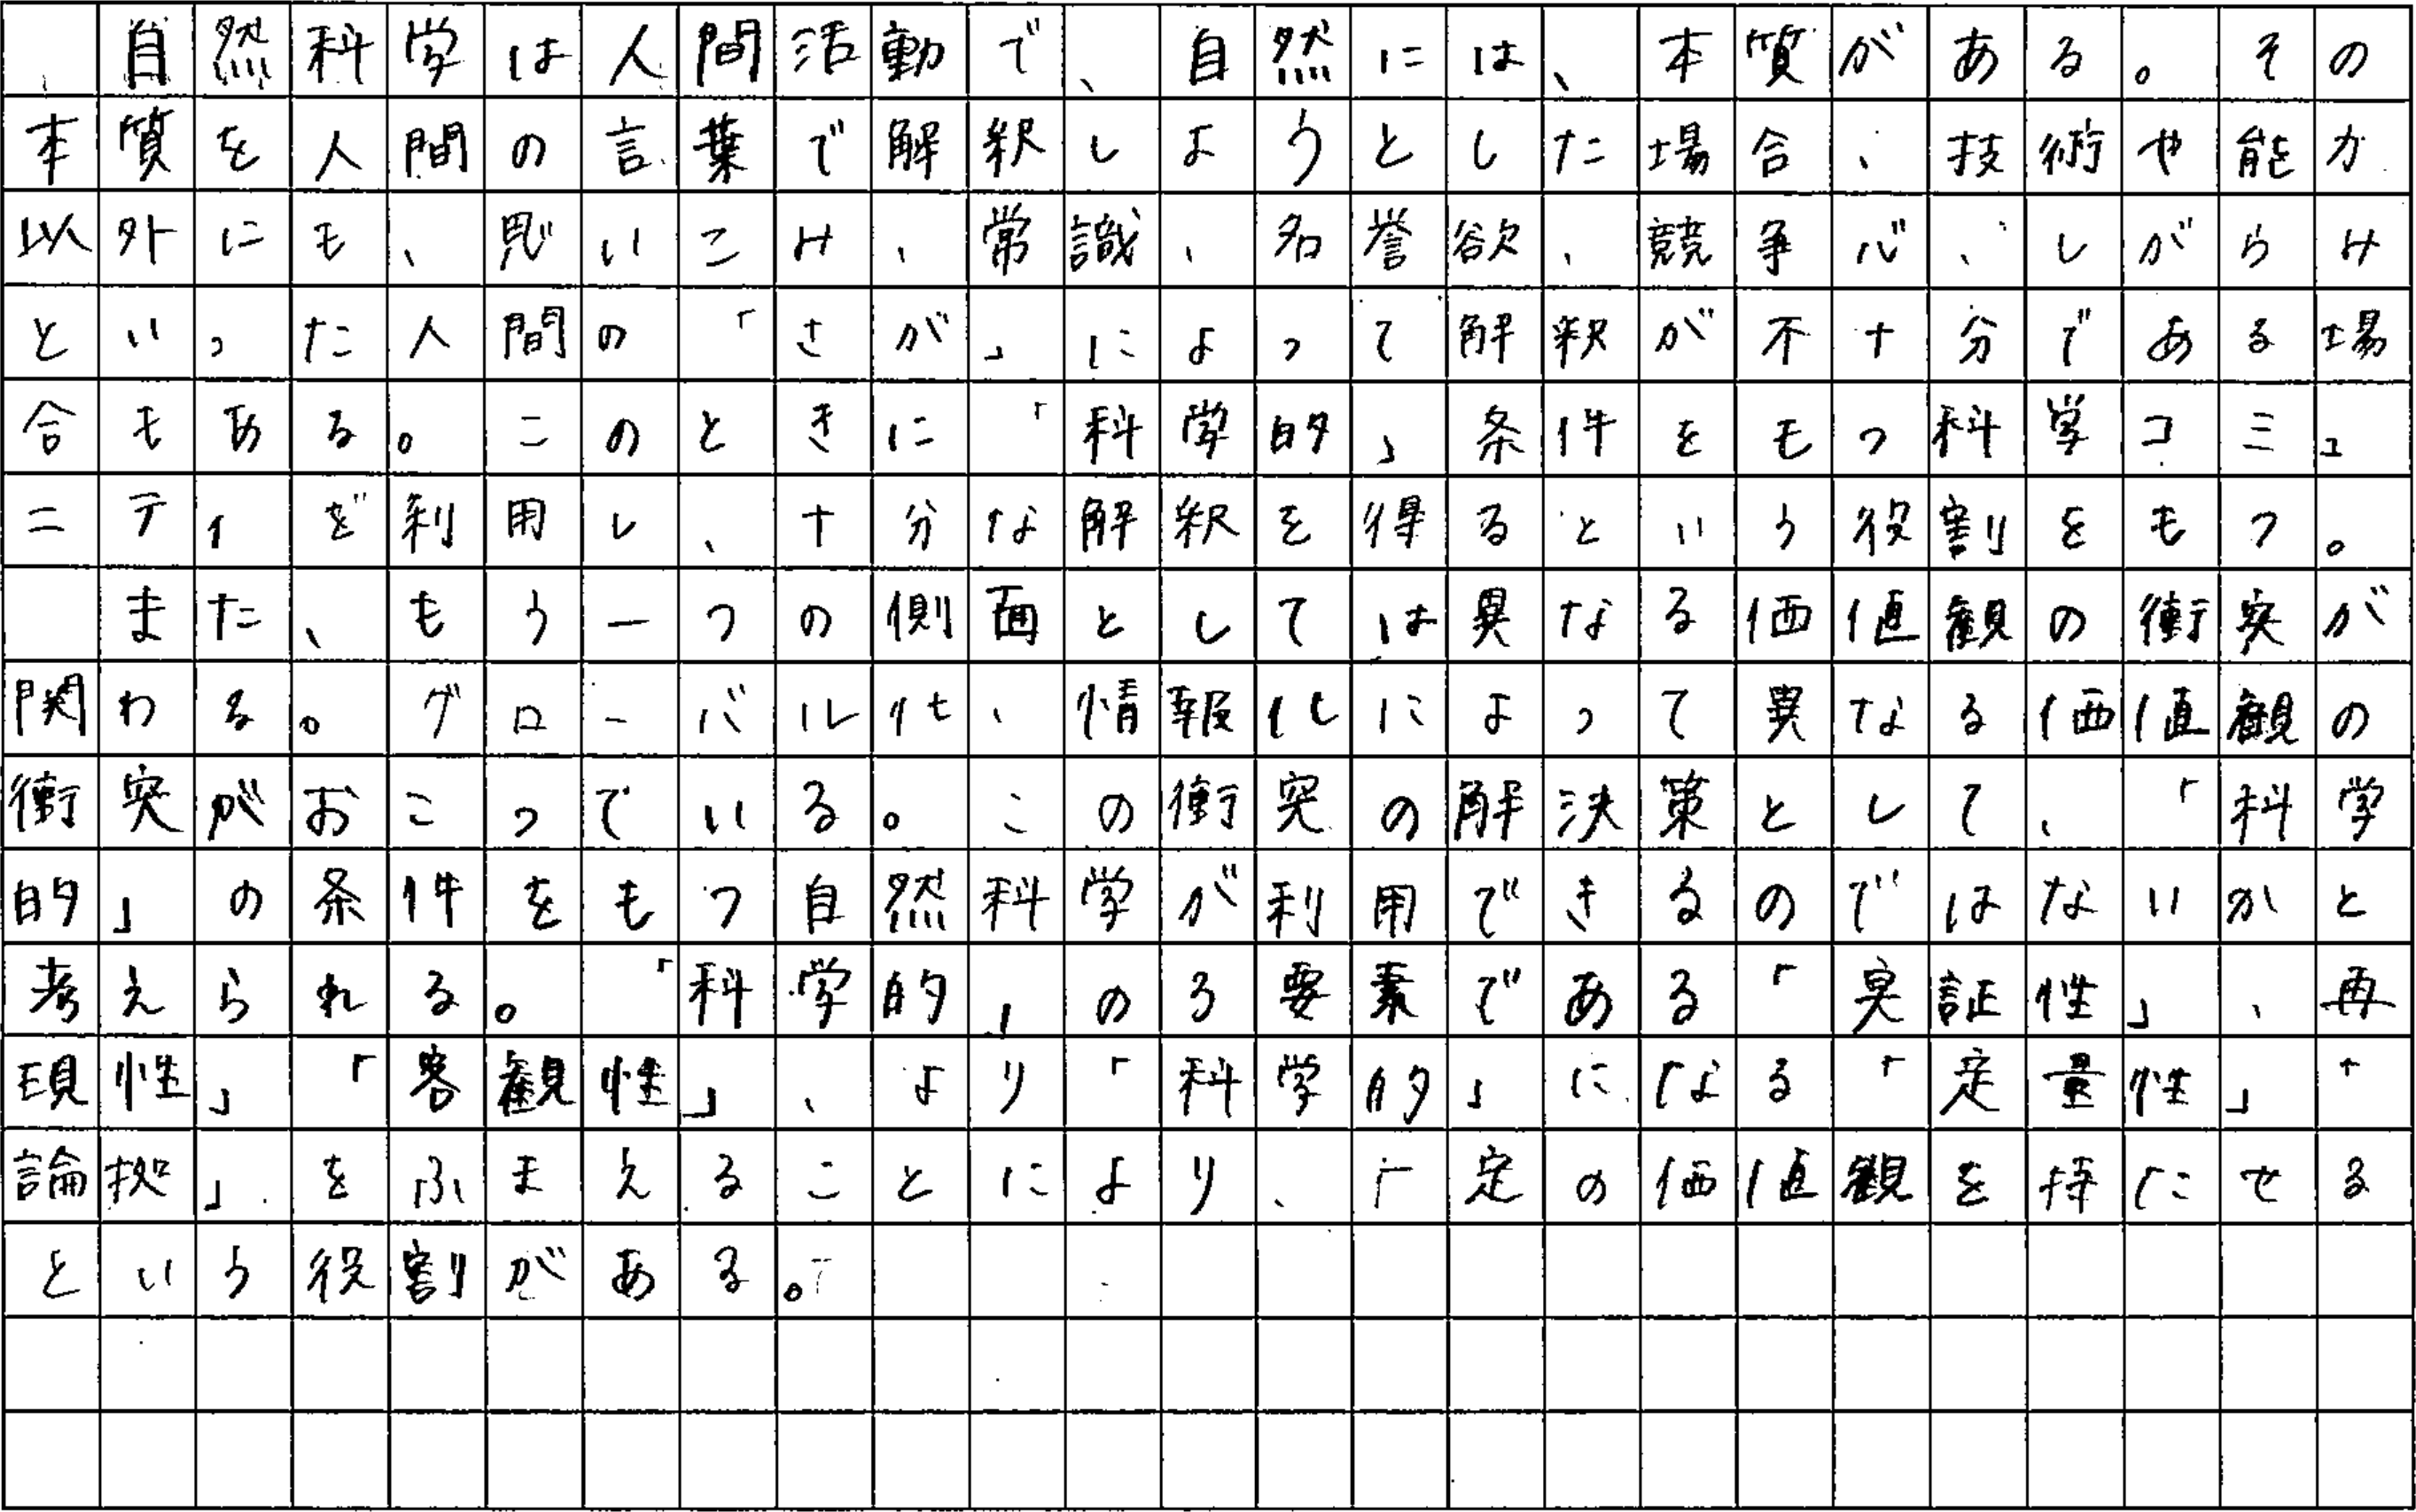　自然科学は人間活動で、自然には、本質がある。その本質を人間の言葉で解釈しようとした場合、技術や能力以外にも、思いこみ、常識、名誉欲、競争心、しがらみといった人間の「さが」によって解釈が不十分である場合もある。このときに「科学的」条件をもつ科学コミュニティを利用し、十分な解釈を得るという役割をもつ。
　また、もう一つの側面としては異なる価値観の衝突が関わる。グローバル化、情報化によって異なる価値観の衝突がおこっている。この衝突の解決策として、「科学的」の条件をもつ自然科学が利用できるのではないかと考えられる。「科学的」の３要素である「実証性」、再現性」「客観性」、より「科学的」になる「定量性」「論拠」をふまえることにより、一定の価値観を持たせるという役割がある。
